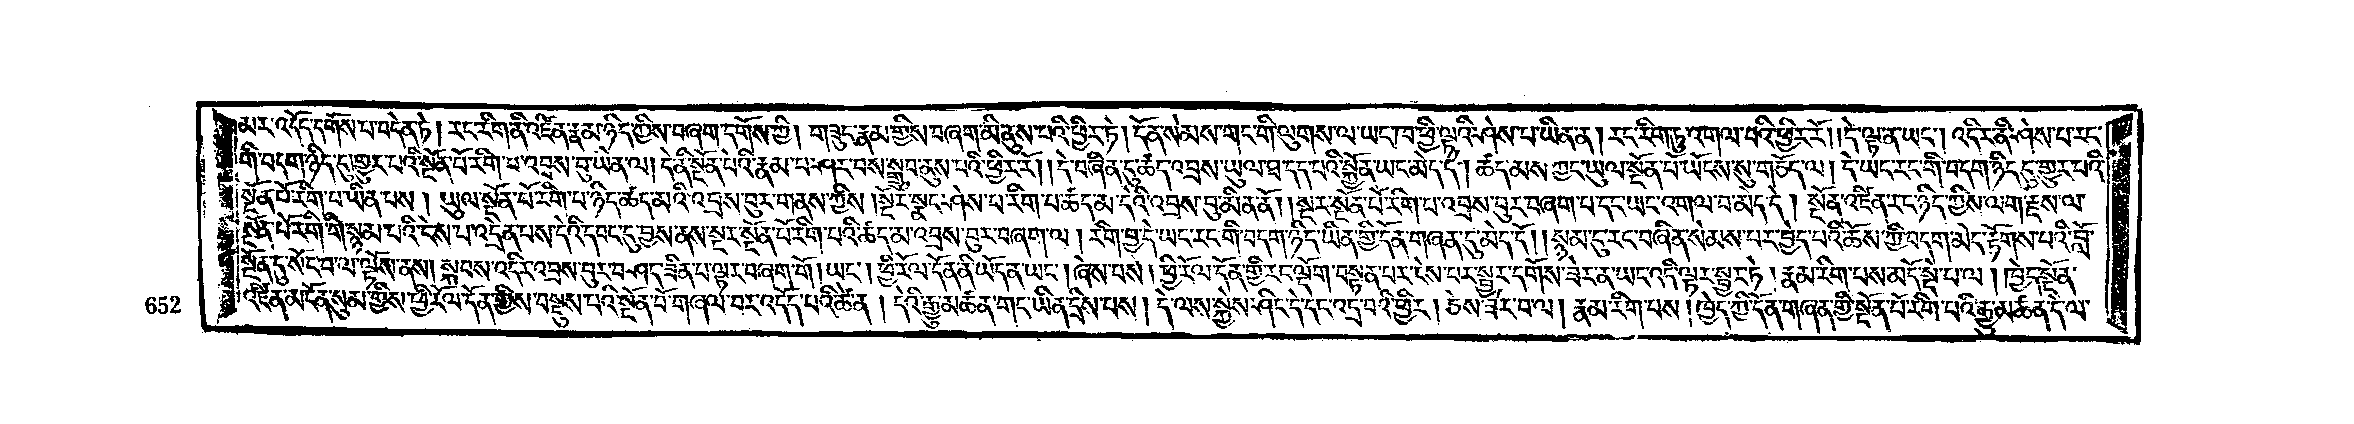མར་འདོད་དགོས་པ་བདེན་ཏེ། རང་རིག་ནི་འཛིན་རྣམ་ཉིད་ཀྱིས་བཞག་དགོས་ཀྱི། གཟུང་རྣམ་གྱིས་བཞག་མི་ནུས་པའི་ཕྱིར་ཏེ། དོན་སེམས་གང་གི་ལུགས་ལ་ཡང་ཁ་ཕྱི་ལྟའི་ཤེས་པ་ཡིན་ན། རང་རིག་ཏུ་འགལ་བའི་ཕྱིར་རོ། །དེ་ལྟ་ན་ཡང་། འདིར་ནི་ཤེས་པ་རང་
གི་བདག་ཉིད་དུ་གྱུར་པའི་སྔོན་པོ་རིག་འབྲས་བུ་ཡིན་ལ། དེ་ནི་སྔོན་པོའི་རྣམ་པ་ཤར་བས་སྒྲུབ་ནུས་པའི་ཕྱིར་རོ། །དེ་བཞིན་དུ་ཚད་འབྲས་ཡུལ་ཐ་དད་པའི་སྐྱོན་ཡང་མེད་དེ། ཚད་མས་ཀྱང་ཡུལ་སྔོན་པོ་ཡོངས་སུ་གཅོད་ལ། དེ་ཡང་རང་གི་བདག་ཉིད་དུ་གྱུར་པའི་
སྔོན་པོ་རིག་པ་ཡིན་པས། ཡུལ་སྔོན་པོ་རིག་པ་ཉིད་ཚད་མའི་འབྲས་བུར་གནས་ཀྱིས། སྔོར་སྣང་ཤེས་པ་རིག་པ་ཚད་མ་དེའི་འབྲས་བུ་མིན་ནོ། །སྔར་སྔོན་པོ་རིག་པ་འབྲས་བུར་བཞག་པ་དང་ཡང་འགལ་བ་མེད་དེ། སྔོན་འཛིན་རང་ཉིད་ཀྱིས་ལག་རྗེས་ལ་
སྔོན་པོ་རིག་གི་སྙམ་པའི་ངེས་པ་འདྲེན་པས་དེའི་དབང་དུ་བྱས་ནས་སྔར་སྔོན་པོ་རིག་པའི་ཚད་མ་འབྲས་བུར་བཞག་ལ། རིག་བྱ་དེ་ཡང་རང་གི་བདག་ཉིད་ཡིན་གྱི་དོན་གཞན་དུ་མེད་དོ། །སྙམ་དུ་རང་བཞིན་སེམས་པར་བྱེད་པའི་ཆོས་ཀྱི་བདག་མེད་རྟོགས་པའི་བློ་
སྔོན་དུ་སོང་བ་ལ་ལྟོས་ནས། སྐབས་འདིར་འབྲས་བུར་བཤད་ཟིན་པ་ལྟར་བཞག་གོ །ཡང་། ཕྱི་རོ་དོན་ནི་ཡོད་ན་ཡང་། ཞེས་པས། ཕྱི་རོལ་དོན་གྱི་རང་ལྡོག་བསྟན་པར་ངེས་པར་སྦྱར་དགོས་ཟེར་ན་ཡང་འདི་ལྟར་སྦྱར་ཏེ། རྣམ་རིག་པས་མདོ་སྡེ་པ་ལ། ཁྱེད་སྔོན་
འཛིན་མངོན་སུམ་གྱིས་ཕྱི་རོལ་དོན་གྱིས་བསྡུས་པའི་སྔོན་པོ་གཞལ་བར་འདོད་པའི་ཚེ་ན། དེའི་རྒྱུ་མཚན་གང་ཡིན་དྲིས་པས། དེ་ལས་སྐྱེས་ཤིང་དེ་དང་འདྲ་བའི་ཕྱིར། ཅེས་ཟེར་བ་ལ། རྣམ་རིག་པས། ཁྱེད་ཀྱི་དོན་གཞན་གྱི་སྔོན་པོ་རིག་པའི་རྒྱུ་མཚན་དེ་ལ་